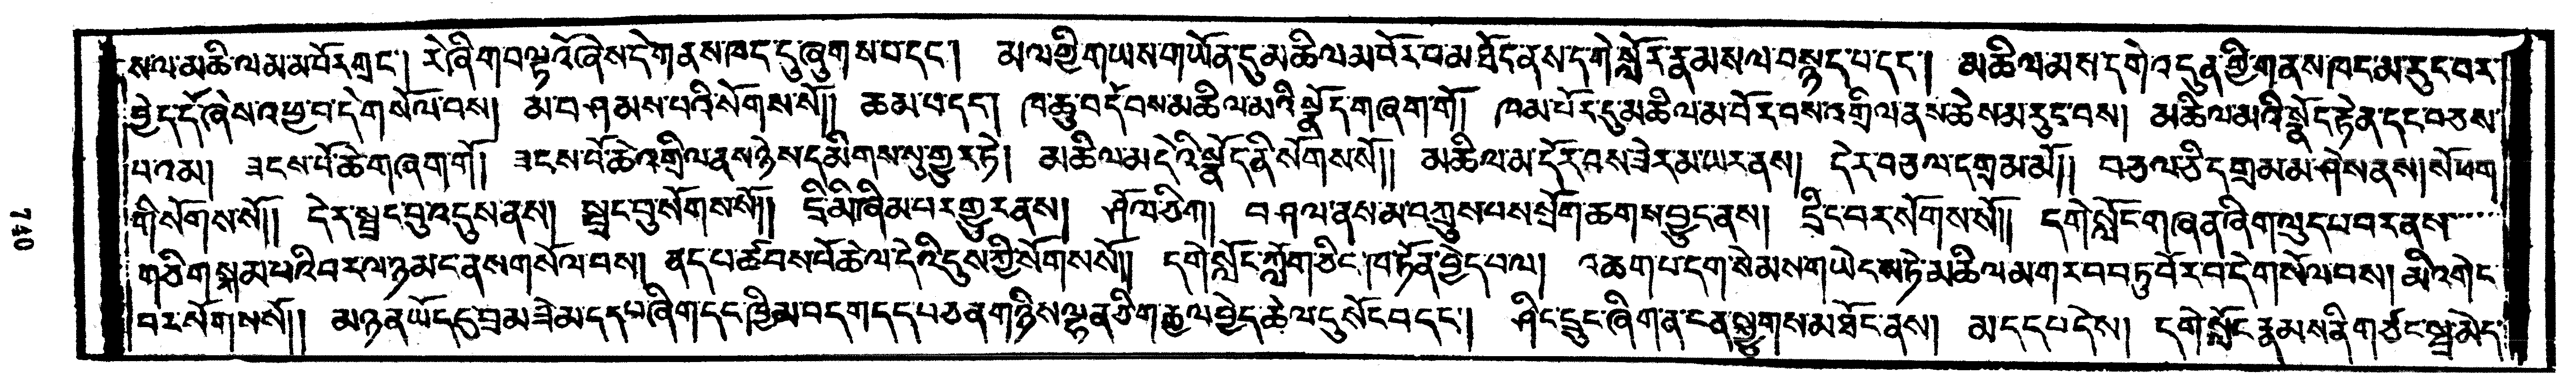ས་ལ་མཆི་ལམ་མ་བོར་གྲང་། རེ་ཞིག་བལྟའོ་ཞེས་དེ་གནས་ཁང་དུ་ཞུགས་པ་དང་། མལ་གྱི་གཡས་གཡོན་དུ་མཆིལ་མ་བོར་བ་མཐོང་ནས་དགེ་སློར་རྣམས་ལ་བསྙད་པ་དང་། མཆིལ་མས་དགེ་འདུན་གྱི་གནས་ཁང་མ་རུང་བར་
བྱེད་དོ་ཞེས་འཕྱ་བ་དེ་གསོལ་བས། མ་བཤམས་པའི་སོགས་སོ། །ཆམ་པ་དང་། ཁ་ཆུ་བདོ་བས་མཆིལ་མའི་སྣོད་གཞག་གོ། ཁམ་པོར་དུ་མཆིལ་མ་བོར་བས་འགྲིལ་ནས་ཆེས་མ་རུང་བས། མཆིལ་མའི་སྣོད་རྟེན་དང་བཅས་
པའམ། ཟངས་པོ་ཆེ་གཞག་གོ། ཟངས་བོ་ཆེ་འགྲིལ་ནས་ཉེས་དམིགས་སུ་གྱུར་ཏེ། མཆིལ་མདེའི་སྣོད་ནི་སོགས་སོ། །མཆིལ་མ་དོར་བས་ཟེར་མ་ཡར་ནས། དེར་བཅལ་དགྲམ་མོ། །བཅལ་ཅི་དགྲམ་མ་ཤེས་ནས། སོ་ཕག་
གི་སོགས་སོ། །དེར་སྦྲང་བུ་འདུས་ནས། སྦྲང་བུ་སོགས་སོ། །དྲི་མི་ཞིམ་པར་གྱུར་ནས། ཤོལ་ཅིག། བཤལ་ནས་མ་བཀྲུས་པས་སྲོག་ཆགས་བྱུང་ནས། དྲི་ང་བར་སོགས་སོ། །དགེ་སློང་གཞན་ཞིག་ལུད་པ་བར་ནས་
གཅིག་སྐམ་པའི་བར་ལ་ཉམ་ང་ནས་གསོལ་བ། ནད་པ་ཚབས་པོ་ཆེལ་དེའི་དུས་ཀྱི་སོགས་སོ། དགེ་སློང་ཀློག་ཅིང་ཁ་ཏོན་བྱེད་པ་ལ། འཆག་པ་དག་སེམས་གཡེངས་ཏེ་མཆིལ་མ་གར་བབ་ཏུ་བོར་བ་དེ་གསོལ་བས། མི་འགེང་
བར་སོགས་སོ། །མཉན་ཡོད་དུ་བྲམ་ཟེ་མ་དད་པ་ཞིག་དང་ཁྱིམ་བདག་དད་པ་ཅན་གཉིས་ལྷན་ཅིག་རྒྱལ་བྱེད་ཆེལ་དུ་སོང་བ་དང་། ཤིང་དྲུང་ཞིག་ན་ངན་སྐྱུགས་མཐོང་ནས། མ་དད་པ་དེས། དགེ་སློང་རྣམས་ནི་གཙང་སྦྲ་མེད་